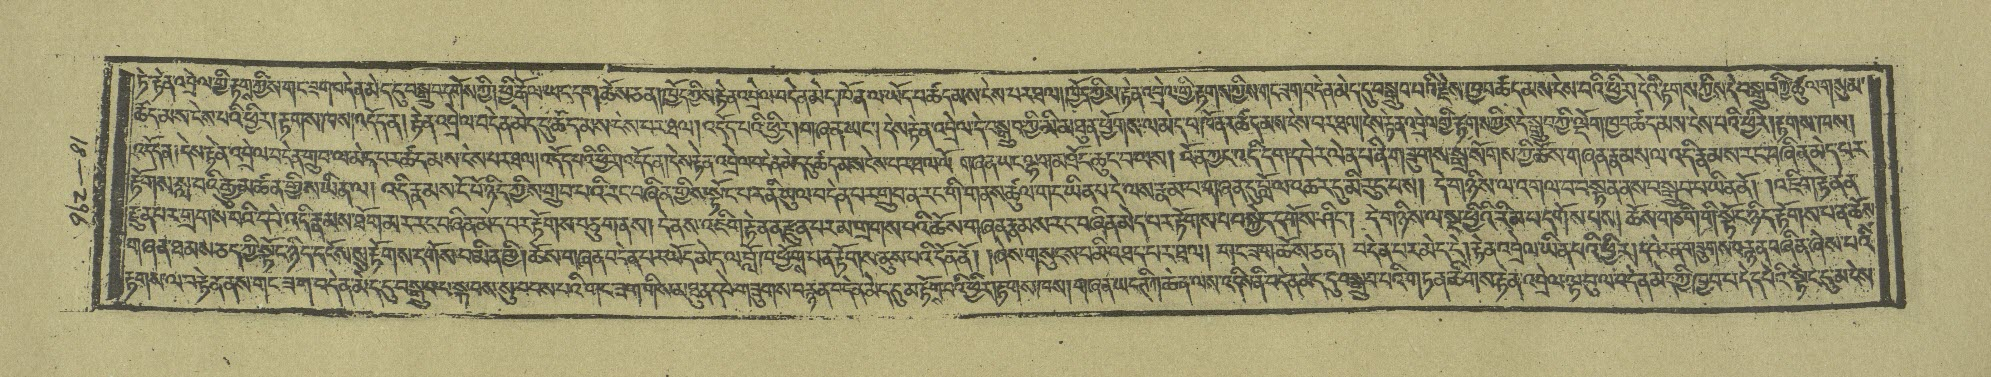ཏེ། རྟེན་འབྲེལ་གྱི་རྟག་ཀྱི་གང་ཟག་བདེན་མེད་དུ་བསྒྲུབ་དགོས་ཀྱི། ཕྱི་རྒོལ་ཡང་དག་ཆོས་ཅན། ཁྱོད་ཀྱིས་རྟེན་འབྲེལ་བདེན་མེད་ཁོ་ན་ལ་ཡོད་པ་ཚད་མས་ངེས་པར་ཐལ། ཁྱོད་ཀྱིས་རྟེན་འབྲེལ་གྱི་རྟགས་ཀྱིས་གང་ཟག་བདེན་མེད་དུ་བསྒྲུབ་པའི་རྗེས་ཁྱབ་ཚད་མས་ངེས་པའི་ཕྱིར། དེའི་རྟགས་ཀྱིས་དེ་བསྒྲུབ་ཀྱི་ཚུལ་གསུམ་
ཆེད་མས་ངེས་པའི་ཕྱིར། རྟགས་ཁས། འདོད་ན། རྟེན་འབྲེལ་བདེན་མེད་དུ་ཚད་མས་ངས་པར་ཐལ། འདོད་པའི་ཕྱིར། གཞན་ཡང་། དེས་རྟེན་འབྲེལ་དེ་བསྒྲུབ་ཀྱི་མི་མཐུན་ཕྱོགས་ལ་མེད་པ་ཁོ་ནར་ཚད་མས་ངེས་པར་ཐལ། ངེས་རྟེན་འབྲེལ་གྱི་རྟགས་ཀྱིས་དེ་སྒྲུབ་ཀྱི་ལྡོག་ཁྱབ་ཚད་མས་ངེས་པའི་ཕྱིར། རྟགས་ཁས།
འདོད་ན། དེས་རྟེན་འབྲེལ་བདེན་གྲུབ་ལ་མེད་པར་ཚད་མས་ངེས་པར་ཐལ། འདོད་པའི་ཕྱིར། འདོད་ན། དེས་རྟེན་འབྲེལ་བདེན་མེད་དུ་ཚད་མས་ངེས་པར་ཐལ་ལོ། གཞན་ཡང་ལྷག་མཐོང་ཆུང་བ་ལས། འོ་ན་ཀྱང་འདི་དག་དཔེར་ལེན་པ་ནི་གཟུགས་སྒྲ་སོགས་ཀྱི་ཆོས་གཞན་རྣམས་ལ་འདི་རྣམས་རང་བཞིན་མེད་པར་
རྟོགས་སླ་བའི་རྒྱུ་མཚན་གྱིས་ཡིན་ལ། འདི་རྣམས་ངོ་བོ་ཉིད་ཀྱིས་གྲུབ་པའི་རང་བཞིན་གྱིས་སྟོང་པར་ནི་ཡུལ་བདེན་པར་གྲུབ་ན་རང་གི་གནས་ཚུལ་གང་ཡིན་པ་དེ་ལས་རྣམ་པ་གཞན་དུ་བློ་ལ་འཆར་དུ་མི་རུང་བས། དེ་གཉིས་ལ་འགལ་བ་བསྟན་ནས་བསྒྲུབ་པ་ཡིན་ནོ། །འཇིག་རྟེན་ན་
རྫུན་པར་གྲགས་པའི་དཔེ་འདི་རྣམས་ཐོག་མར་རང་བཞིན་མེད་པར་རྟོགས་བཅུ་གནས། དེ་ནས་འཇིག་རྟེན་ན་རྫུན་པར་མ་གྲགས་པའི་ཆོས་གཞན་རྣམས་རང་བཞིན་མེད་པར་རྟོགས་པ་བསྐྱེད་དགོས་ཤིང་། དེ་གཉིས་ལ་སྔ་ཕྱིའི་རིམ་པ་དགོས་པས། ཆོས་གཅིག་གི་སྟོང་ཉིད་རྟོགས་པ་ན་ཆོས་
གཞན་ཐམས་ཅད་ཀྱི་སྟོང་ཉིད་དངོས་སུ་རྟོགས་དགོས་པ་མིན་གྱི། ཆོས་གཞན་བདེན་པར་ཡོད་མེད་ལ་བློ་ཁ་ཕྱོགས་པ་ན་རྟོགས་ནུས་པའི་དོན་ནོ། །ཞེས་གསུངས་པ་མི་འཐད་པར་ཐལ། གང་ཟག་ཆོས་ཅན། བདེན་པར་མེད་དེ། རྟེན་འབྲེལ་ཡིན་པའི་ཕྱིར། དཔེར་ན་གཟུགས་བརྙན་བཞིན་ཞེས་པའི་
རྟགས་ལ་བརྟེན་ནས་གང་ཟག་བདེན་མེད་དུ་བསྒྲུབ་པ་སྐབས་སུ་བབས་པའི་གང་ཟག་གིས་མཐུན་དཔེ་གཟུགས་བརྙན་བདེན་མེད་དུ་མ་རྟོགས་པའི་ཕྱིར། རྟགས་ཁས། གཞན་ཡང་ཊིཀ་ཆེན་ལས་འདིས་ནི་བདེན་མེད་དུ་བསྒྲུབ་པའི་གཏན་ཚིགས་རྟེན་འབྲེལ་ལྟ་བུ་ལ་བདེན་མེད་ཀྱི་ཁྱབ་བ་དེ་དཔེའི་སྟེང་དུ་མ་ངེས་